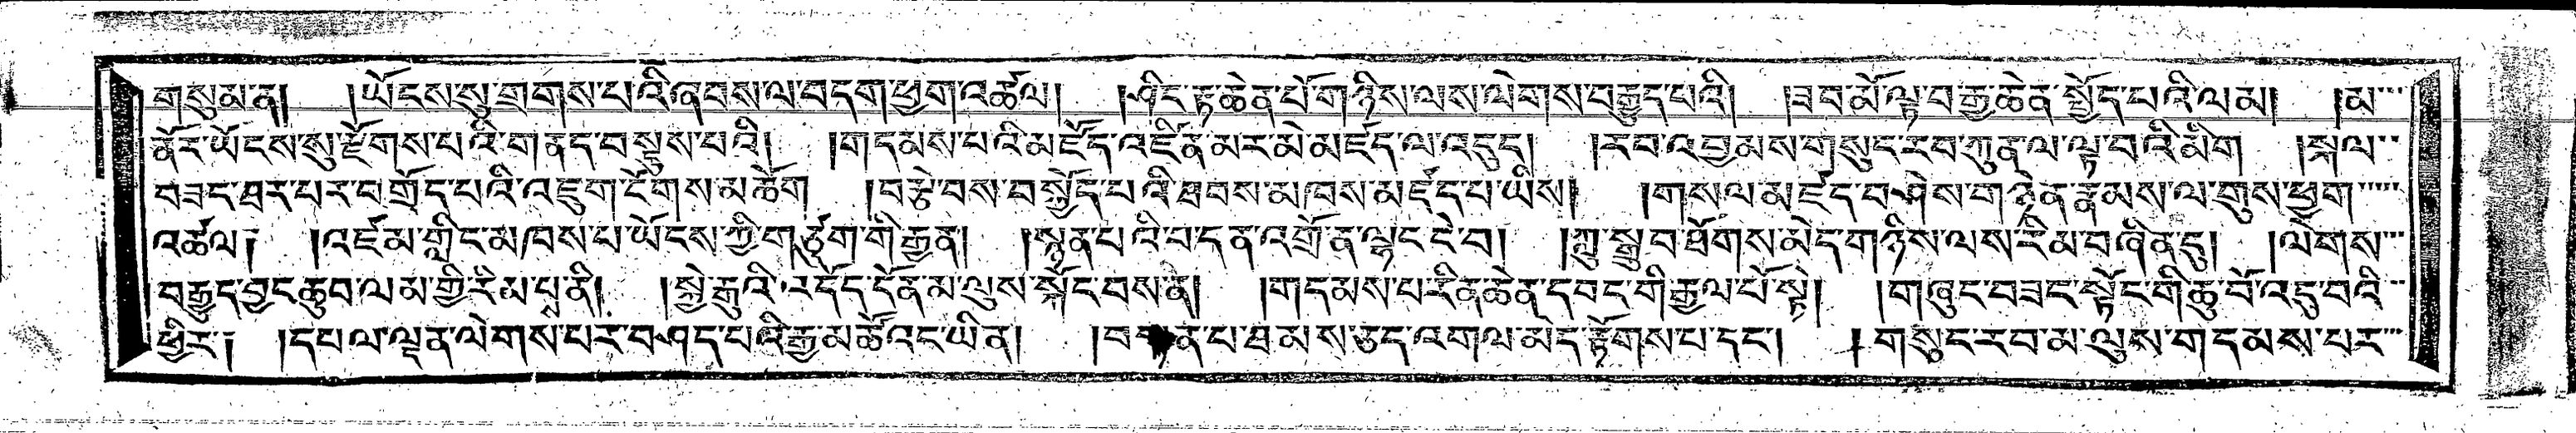གསུམ་ན། །ཡོངས་སུ་གྲགས་པའི་ཞབས་ལ་བདག་ཕྱག་འཚལ། །ཤིང་རྟ་ཆེན་པོ་གཉིས་ལས་ལེགས་བརྒྱུད་པའི། །ཟབ་མོ་ལྟ་བ་རྒྱ་ཆེན་སྤྱོད་པའི་ལམ། །མ་
ནོར་ཡོངས་སུ་རྫོགས་པའི་གནད་བསྡུས་པའི། །གདམས་པའི་མཛོད་འཛིན་མར་མེ་མཛད་ལ་འདུད། །རབ་འབྱམས་གསུང་རབ་ཀུན་ལ་ལྟ་བའི་མིག །སྐལ་
བཟང་ཐར་པར་བགྲོད་པའི་འཇུག་ངོགས་མཆོག །བརྩེ་བས་བསྐྱོད་པའི་ཐབས་མཁས་མཛད་པ་ཡིས། །གསལ་མཛད་བཤེས་གཉེན་རྣམས་ལ་གུས་ཕྱག་
འཚལ༑ །འཛམ་གླིང་མཁས་པ་ཡོངས་ཀྱི་གཙུག་གི་རྒྱན། །སྙན་པའི་བ་དན་འགྲོ་ན་ལྷང་ངེ་བ། །ཀླུ་སྒྲུབ་ཐོགས་མེད་གཉིས་ལས་རིམ་བཞིན་དུ། །ལེགས་
བརྒྱུད་བྱང་ཆུབ་ལམ་གྱི་རིམ་པས་ནི། །སྐྱེ་རྒུའི་འདོད་དོན་མ་ལུས་སྐོང་བས་ན། །གདམས་པ་རིན་ཆེན་དབང་གི་རྒྱལ་པོ་སྟེ། །གཞུང་བཟང་སྟོང་གི་ཆུ་བོ་འདུ་བའི་
ཕྱིར༑ །དཔལ་ལྡན་ལེགས་པར་བཤད་པའི་རྒྱ་མཚོའང་ཡིན། །བསྟན་པ་ཐམས་ཅད་འགལ་མེད་རྟོགས་པ་དང་། །གསུང་རབ་མ་ལུས་གདམས་པར་